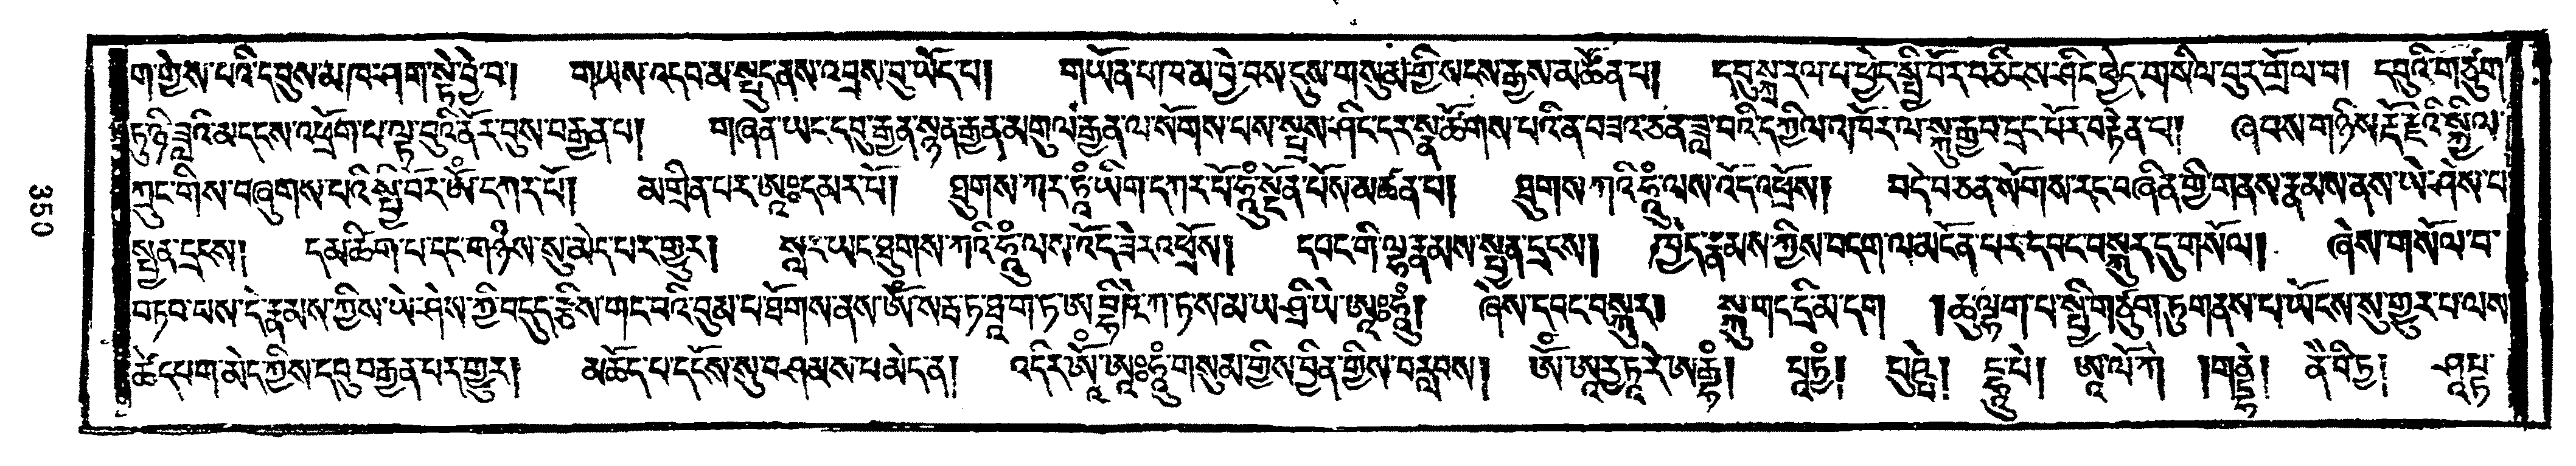ག་གྱེས་པའི་དབུས་མ་ཁ་ཤག་སྟེ་བྱེ་བ། གཡས་འདབ་མ་སྤུད་ནས་འབྲས་བུ་ཡོད་པ། གཡོན་པ་ཁ་མ་བྱེ་བས་དུས་གསུམ་གྱི་སངས་རྒྱས་མཚོན་པ། དབུ་སྐྲ་རལ་པ་ཕྱེད་སྤྱི་བོར་བཅིངས་ཤིང་ཕྱེད་གསིལ་བུར་གྲོལ་བ། དབུའི་གཙུག་
ཏུ་ཉི་ཟླའི་མདངས་འཕྲོག་པ་ལྟ་བུའི་ནོར་བུས་བརྒྱན་པ། གཞན་ཡང་དབུ་རྒྱན་སྙན་རྒྱན་མགུལ་རྒྱན་ལ་སོགས་པས་སྤྲས་ཤིང་དར་སྣ་ཚོགས་པའི་ན་བཟའ་ཅན་ཟླ་བའི་དཀྱིལ་འཁོར་ལ་སྐུ་རྒྱབ་དྲང་པོར་བརྟེན་པ། ཞབས་གཉིས་རྡོ་རྗེའི་སྐྱིལ་
ཀྲུང་གིས་བཞུགས་པའི་སྤྱི་བོར་ཨོཾ་དཀར་པོ། མགྲིན་པར་ཨཱཿ དམར་པོ། ཐུགས་ཀར་ཏཱཾ་ཡིག་དཀར་པོ་ཧཱུཾ་སྔོན་པོས་མཚན་པ། ཐུགས་ཀའི་ཧཱུཾ་ལས་འོད་འཕྲོས། བདེ་བ་ཅན་སོགས་རང་བཞིན་གྱི་གནས་རྣམས་ནས་ཡེ་ཤེས་པ་
སྤྱན་དྲངས། དམ་ཚིག་པ་དང་གཉིས་སུ་མེད་པར་གྱུར། སླར་ཡང་ཐུགས་ཀའི་ཧཱུཾ་ལས་འོད་ཟེར་འཕྲོས། དབང་གི་ལྷ་རྣམས་སྤྱན་དྲངས། ཁྱེད་རྣམས་ཀྱིས་བདག་ལ་མངོན་པར་དབང་བསྐུར་དུ་གསོལ། ཞེས་གསོལ་བ་
བཏབ་པས་དེ་རྣམས་ཀྱིས་ཡེ་ཤེས་ཀྱི་བདུད་རྩིས་གང་བའི་བུམ་པ་ཐོགས་ནས་ཨོཾ་སརྦ་ཏ་ཐཱ་ག་ཏ་ཨ་བྷིཥེ་ཀ་ཏ་ས་མ་ཡ་ཤྲི་ཡེ་ཨཱཿཧཱུཾ། ཞེས་དབང་བསྐུར། སྐུ་གང་དྲི་མ་དག །ཆུ་ལྷག་པ་སྤྱི་གཙུག་ཏུ་གནས་པ་ཡོངས་སུ་གྱུར་པ་ལས་
ཚེ་དཔག་མེད་ཀྱིས་དབུ་བརྒྱན་པར་གྱུར། མཆོད་པ་དངོས་སུ་བཤམས་པ་མེད་ན། འདིར་OM་ཨཱཿཧཱུཾ་གསུམ་གྱིས་བྱིན་གྱིས་བརླབས། ཨོཾ་ཨཱརྱ་ཏཱ་རེ་ཨརྒྷཾ། པཱཏྱཾ། པུཥྤེ། དྷཱུ་པེ། ཨཱ་ལོ་ཀེ །གནྡྷེ། ནཻ་བིཏྱ། ཤཱཔྟ་